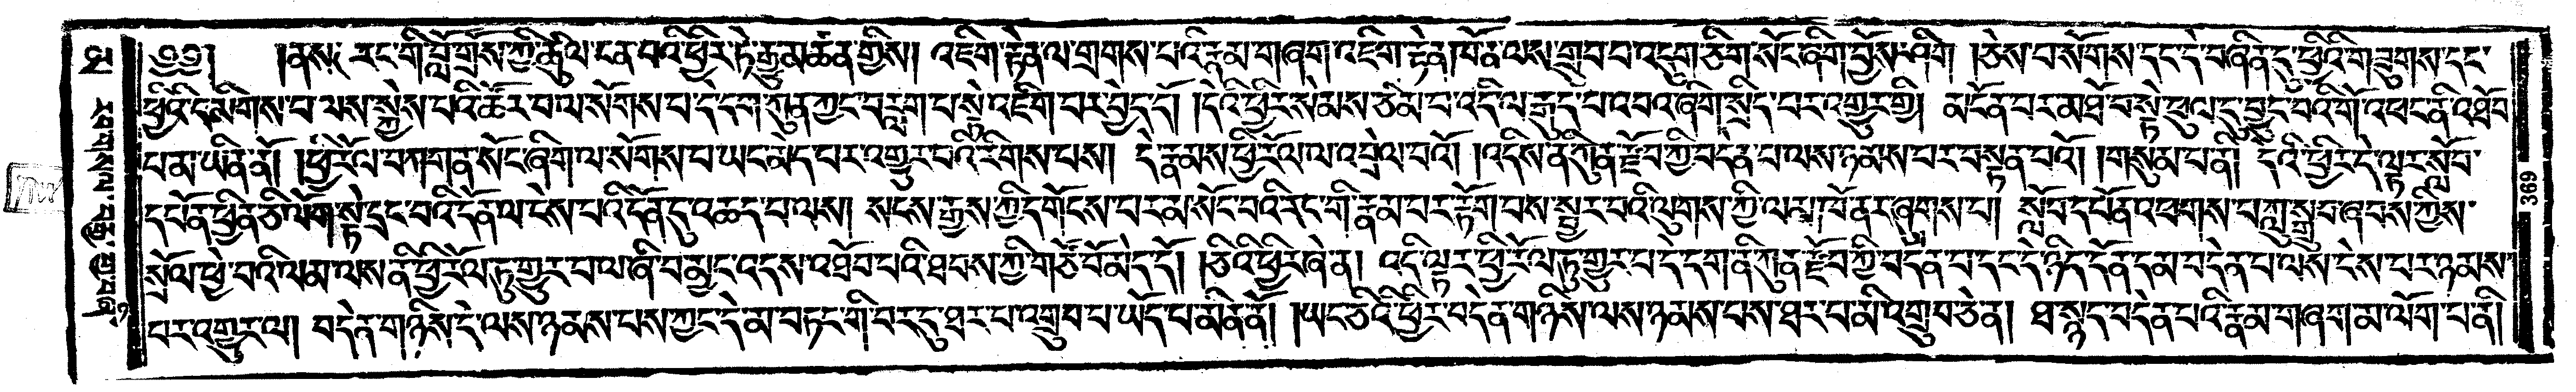༄༅། །ནས༑ རང་གི་བློ་གྲོས་ཀྱི་ཚུལ་ངན་པའི་ཕྱིར་ཏེ་རྒྱུ་མཚན་གྱིས། འཇིག་རྟེན་ལ་གྲགས་པའི་རྣམ་གཞག་འཇིག་རྟེན་ཁོ་ན་ལས་གྲུབ་པ་འདུག་ཅིག་སོང་ཞིག་བྱོས་ཤིག །ཅེས་པ་སོགས་དང་དེ་བཞིན་དུ་ཕྱིའི་གཟུགས་དང་
ཕྱིའི་དམིགས་པ་ལས་སྐྱེས་པའི་ཚོར་བ་ལ་སོགས་པ་དེ་དག་ཀུན་ཀྱང་བརླག་པ་སྟེ་འཇིག་པར་བྱེད་དོ། །དེའི་ཕྱིར་སེམས་ཙམ་པ་འདི་ལ་རྒུད་པ་འབའ་ཞིག་སྲིད་པར་འགྱུར་གྱི། མངོན་པར་མཐོ་བ་སྟེ་ཕུལ་དུ་བྱུང་བའི་གོ་འཕང་ནི་འཐོབ་
པ་མ་ཡིན་ནོ། །ཕྱི་རོལ་བཀག་ན་སོང་ཞིག་ལ་སོགས་པ་ཡང་མེད་པར་འགྱུར་བའི་རིགས་པས། དེ་རྣམས་ཕྱི་རོལ་ལ་འབྲེལ་བའོ། །འདིས་ནི་ཀུན་རྫོབ་ཀྱི་བདེན་པ་ལས་ཉམས་པར་བསྟན་པའོ། །གསུམ་པ་ནི། དེའི་ཕྱིར་དེ་ལྟར་སློབ་
དཔོན་ཕྱིན་ཅི་ལོག་སྟེ་དྲང་བའི་དོན་ལ་ངེས་པའི་དོན་དུ་འཆད་པ་ལས། སངས་རྒྱས་ཀྱི་དགོངས་པར་མ་སོང་བའི་རང་གི་རྣམ་པར་རྟོག་པས་སྦྱར་བའི་ལུགས་ཀྱི་ལམ་ཁོ་ནར་ཞུགས་པ། སློབ་དཔོན་འཕགས་པ་ཀླུ་སྒྲུབ་ཞབས་ཀྱིས་
སྲོལ་ཕྱེ་བའི་ལམ་ལས་ནི་ཕྱི་རོལ་ཏུ་གྱུར་པ་ལ་ཞི་བ་མྱང་འདས་འཐོབ་པའི་ཐབས་ཀྱི་གཙོ་བོ་མེད་དོ། །ཅིའི་ཕྱིར་ཞེ་ན། འདི་ལྟར་ཕྱི་རོལ་ཏུ་གྱུར་པ་དེ་དག་ནི་ཀུན་རྫོབ་ཀྱི་བདེན་པ་དང་དེ་ཉིད་དོན་དམ་བདེན་པ་ལས་ངེས་པར་ཉམས་
པར་འགྱུར་ལ། བདེན་གཉིས་དེ་ལས་ཉམས་པས་ཀྱང་དེ་མ་བཏང་གི་བར་དུ་ཐར་པ་འགྲུབ་པ་ཡོད་པ་མིན་ནོ། །ཡང་ཅིའི་ཕྱིར་བདེན་གཉིས་ལས་ཉམས་པས་ཐར་པ་མི་འགྲུབ་ཅེ་ན། ཐ་སྙད་བདེན་པའི་རྣམ་གཞག་མ་ལོག་པ་ནི།